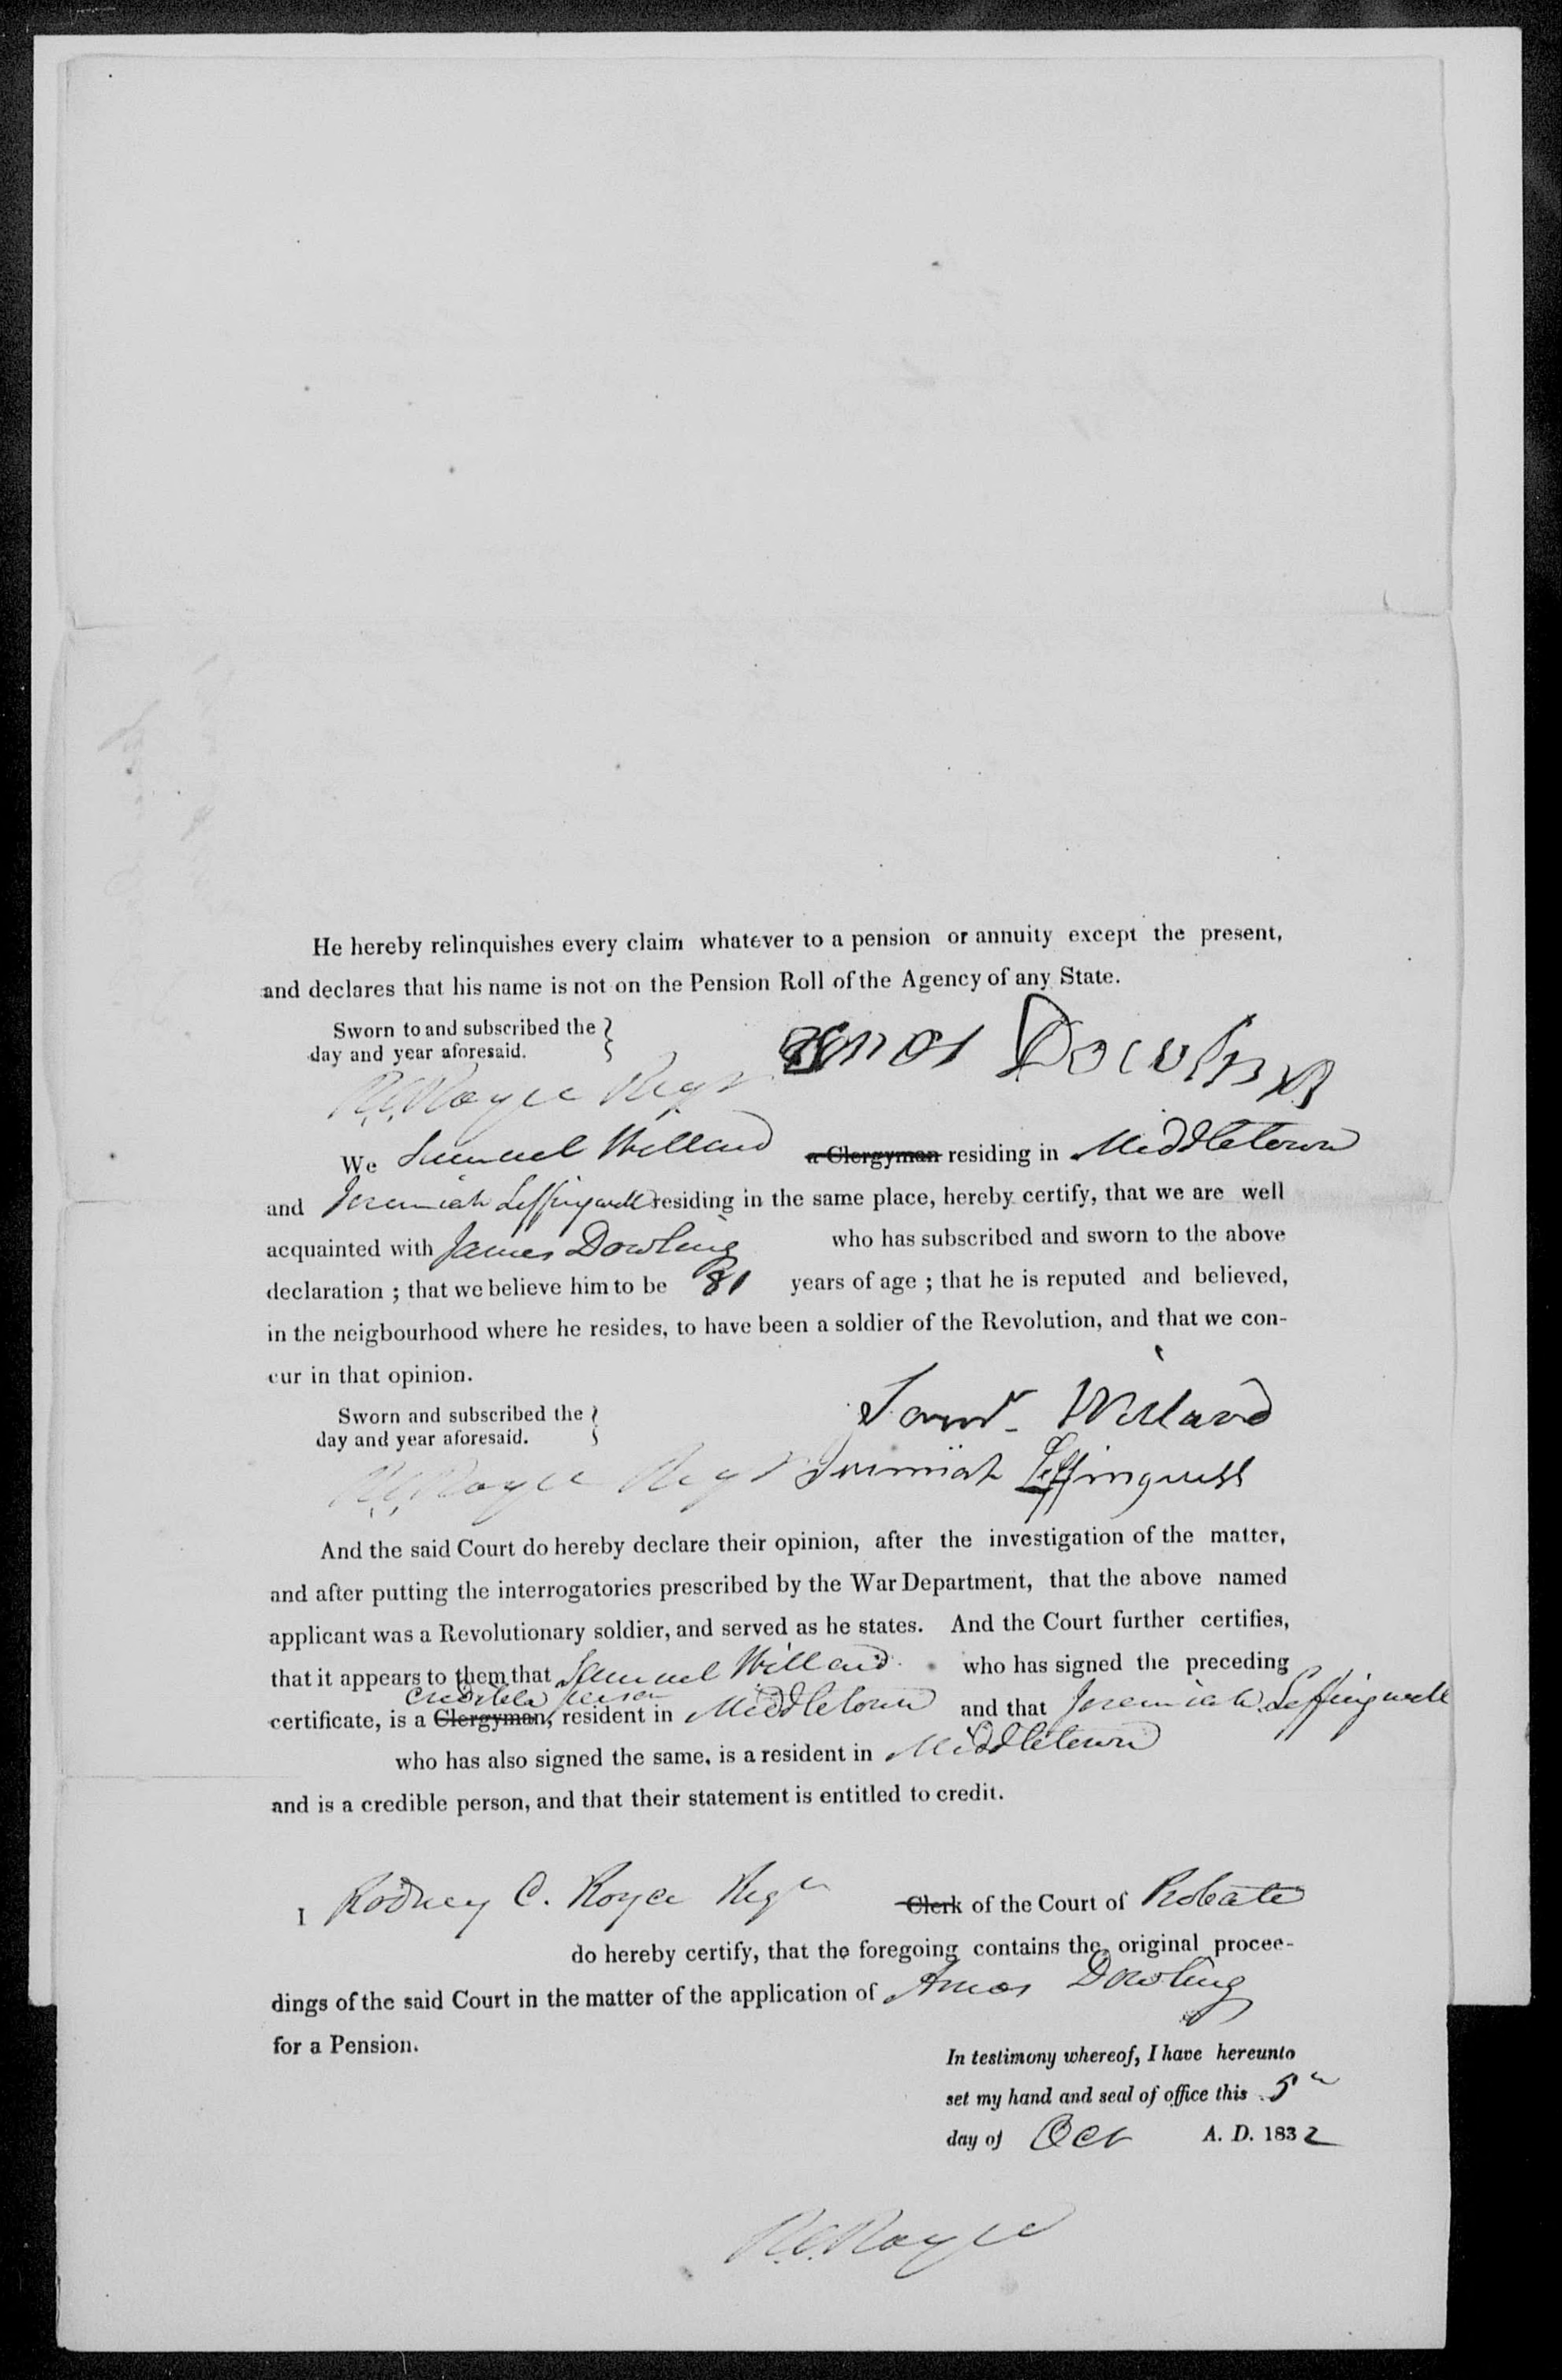He hereby relinquishes every claim whatever to a pension or annuity except the present, and declares that his name is not on the Pension Roll of the Agency of any State.
James Dowling [signature]

Sworn to and subscribed the}
day and year aforesaid.         }
R.C. Royce Reg

We Samuel Willard residing in Middletown and Jeremiah Leffingwell residing in the same place, hereby certify, that we are well acquainted with James Dowling who has subscribed and sworn to the above declaration; that we believe him to be 81 years of age; that he is reputed and believed, in the neigbourhood [sic] where he resides, to have been a soldier of the Revolution, and that we concur in that opinion.
Samuel Willard [signature]
Jeremiah Leffingwell [signature]

Sworn and subscribed the }
day and year aforesaid.      }
R.C. Royce Regt

And the said Court do hereby declare their opinion, after the investigation of the matter, and after putting the interrogatories prescribed by the War Department, that the above named applicant was a Revolutionary soldier, and served as he states. And the Court further certifies, that it appears to them that Samuel Willard who has signed the preceding certificate, is a credible person, resident in Middletown and that Jeremiah Leffingwell who has also signed the same, is a resident in Middletown and is a credible person, and that their statement is entitled to credit.

I Rodney C. Royce Regt. of the Court of Probate do hereby certify, that the foregoing contains the original proceedings of the said Court in the matter of the application of Amos Dowling for a Pension.

In testimony whereof, I have hereunto set my hand and seal of office this 5th day of Oct. A.D. 1832
R.C. Royce [signature]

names: R C Royce, Jeremiah Leffingwell, Jeremiah Leffingwell, Rodney C Royce, James Dowling, Samuel Willard, R C Royce, Saml Willard, R C Royce, Amos Dowling, Samuel Willard, Amos Dowling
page: 5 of 17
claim: survivor's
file: S. 10575, James Dowling, Penn.